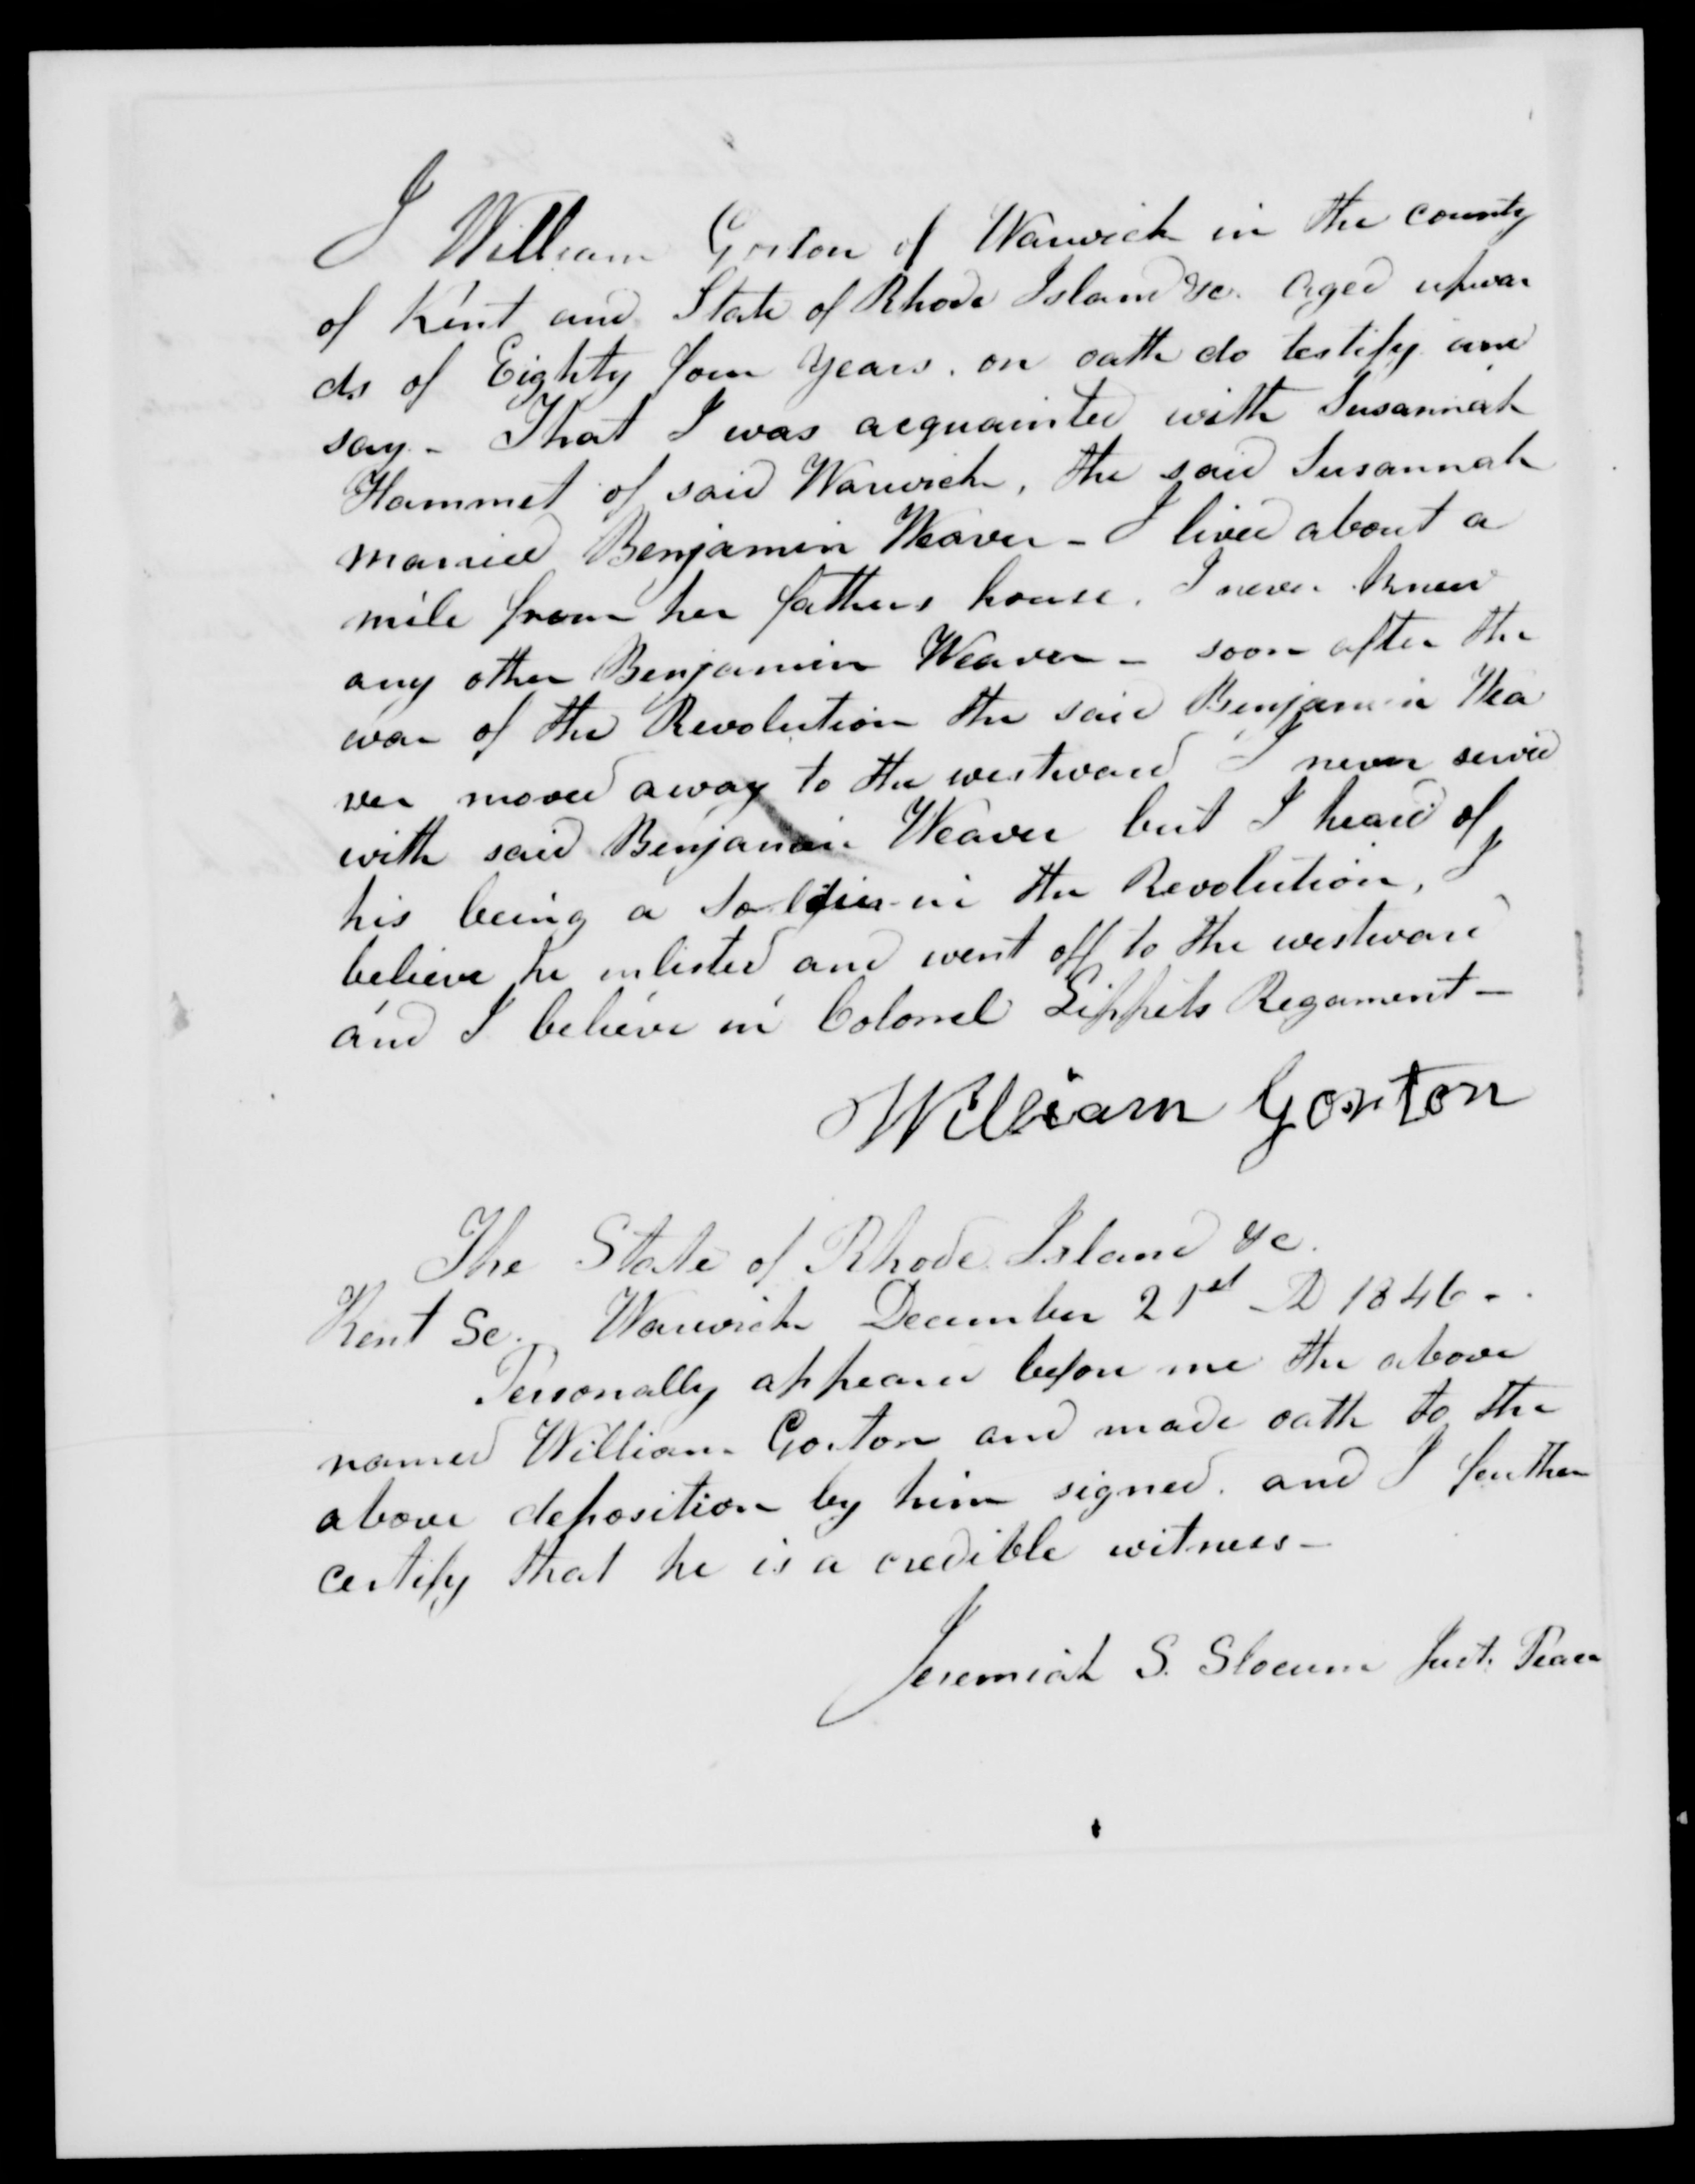I William Gorton of Warwick in the county of Kent and State of Rhode Island vc. Aged  upwards of Eighty four years , on oath do testify and say- that I was acquainted with Susannah Hammet of said Warwick, the said Susannah married Benjamin Weaver. I lived about a mile from her father’s house. I never knew any other Benjamin Weaver-soon after the war of the Revolution the said Benjamin Weaver moved away to the westward I never served with said  Benjamin Weaver but I heard of his being a soldier in the Revolution, I believe he enlisted and went off to the westward and I believe in Colonel Lippitts Regiment-

William Gorton

The State of Rhode Island vc.
Kent Se, Warwick December 21 AD 1846.
Personally appears before me the above named William Gorton and made oath to the above deposition by him signed and I further certify that he is a credible witness-

Jeremiah S. Slocum  Just. Peace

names: Susannah Hammet, Jeremiah S Slocum, Benjamin Weaver, William Gorton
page: 39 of 53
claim: widow's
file: W 17707, Benjamin Weaver, R.I.